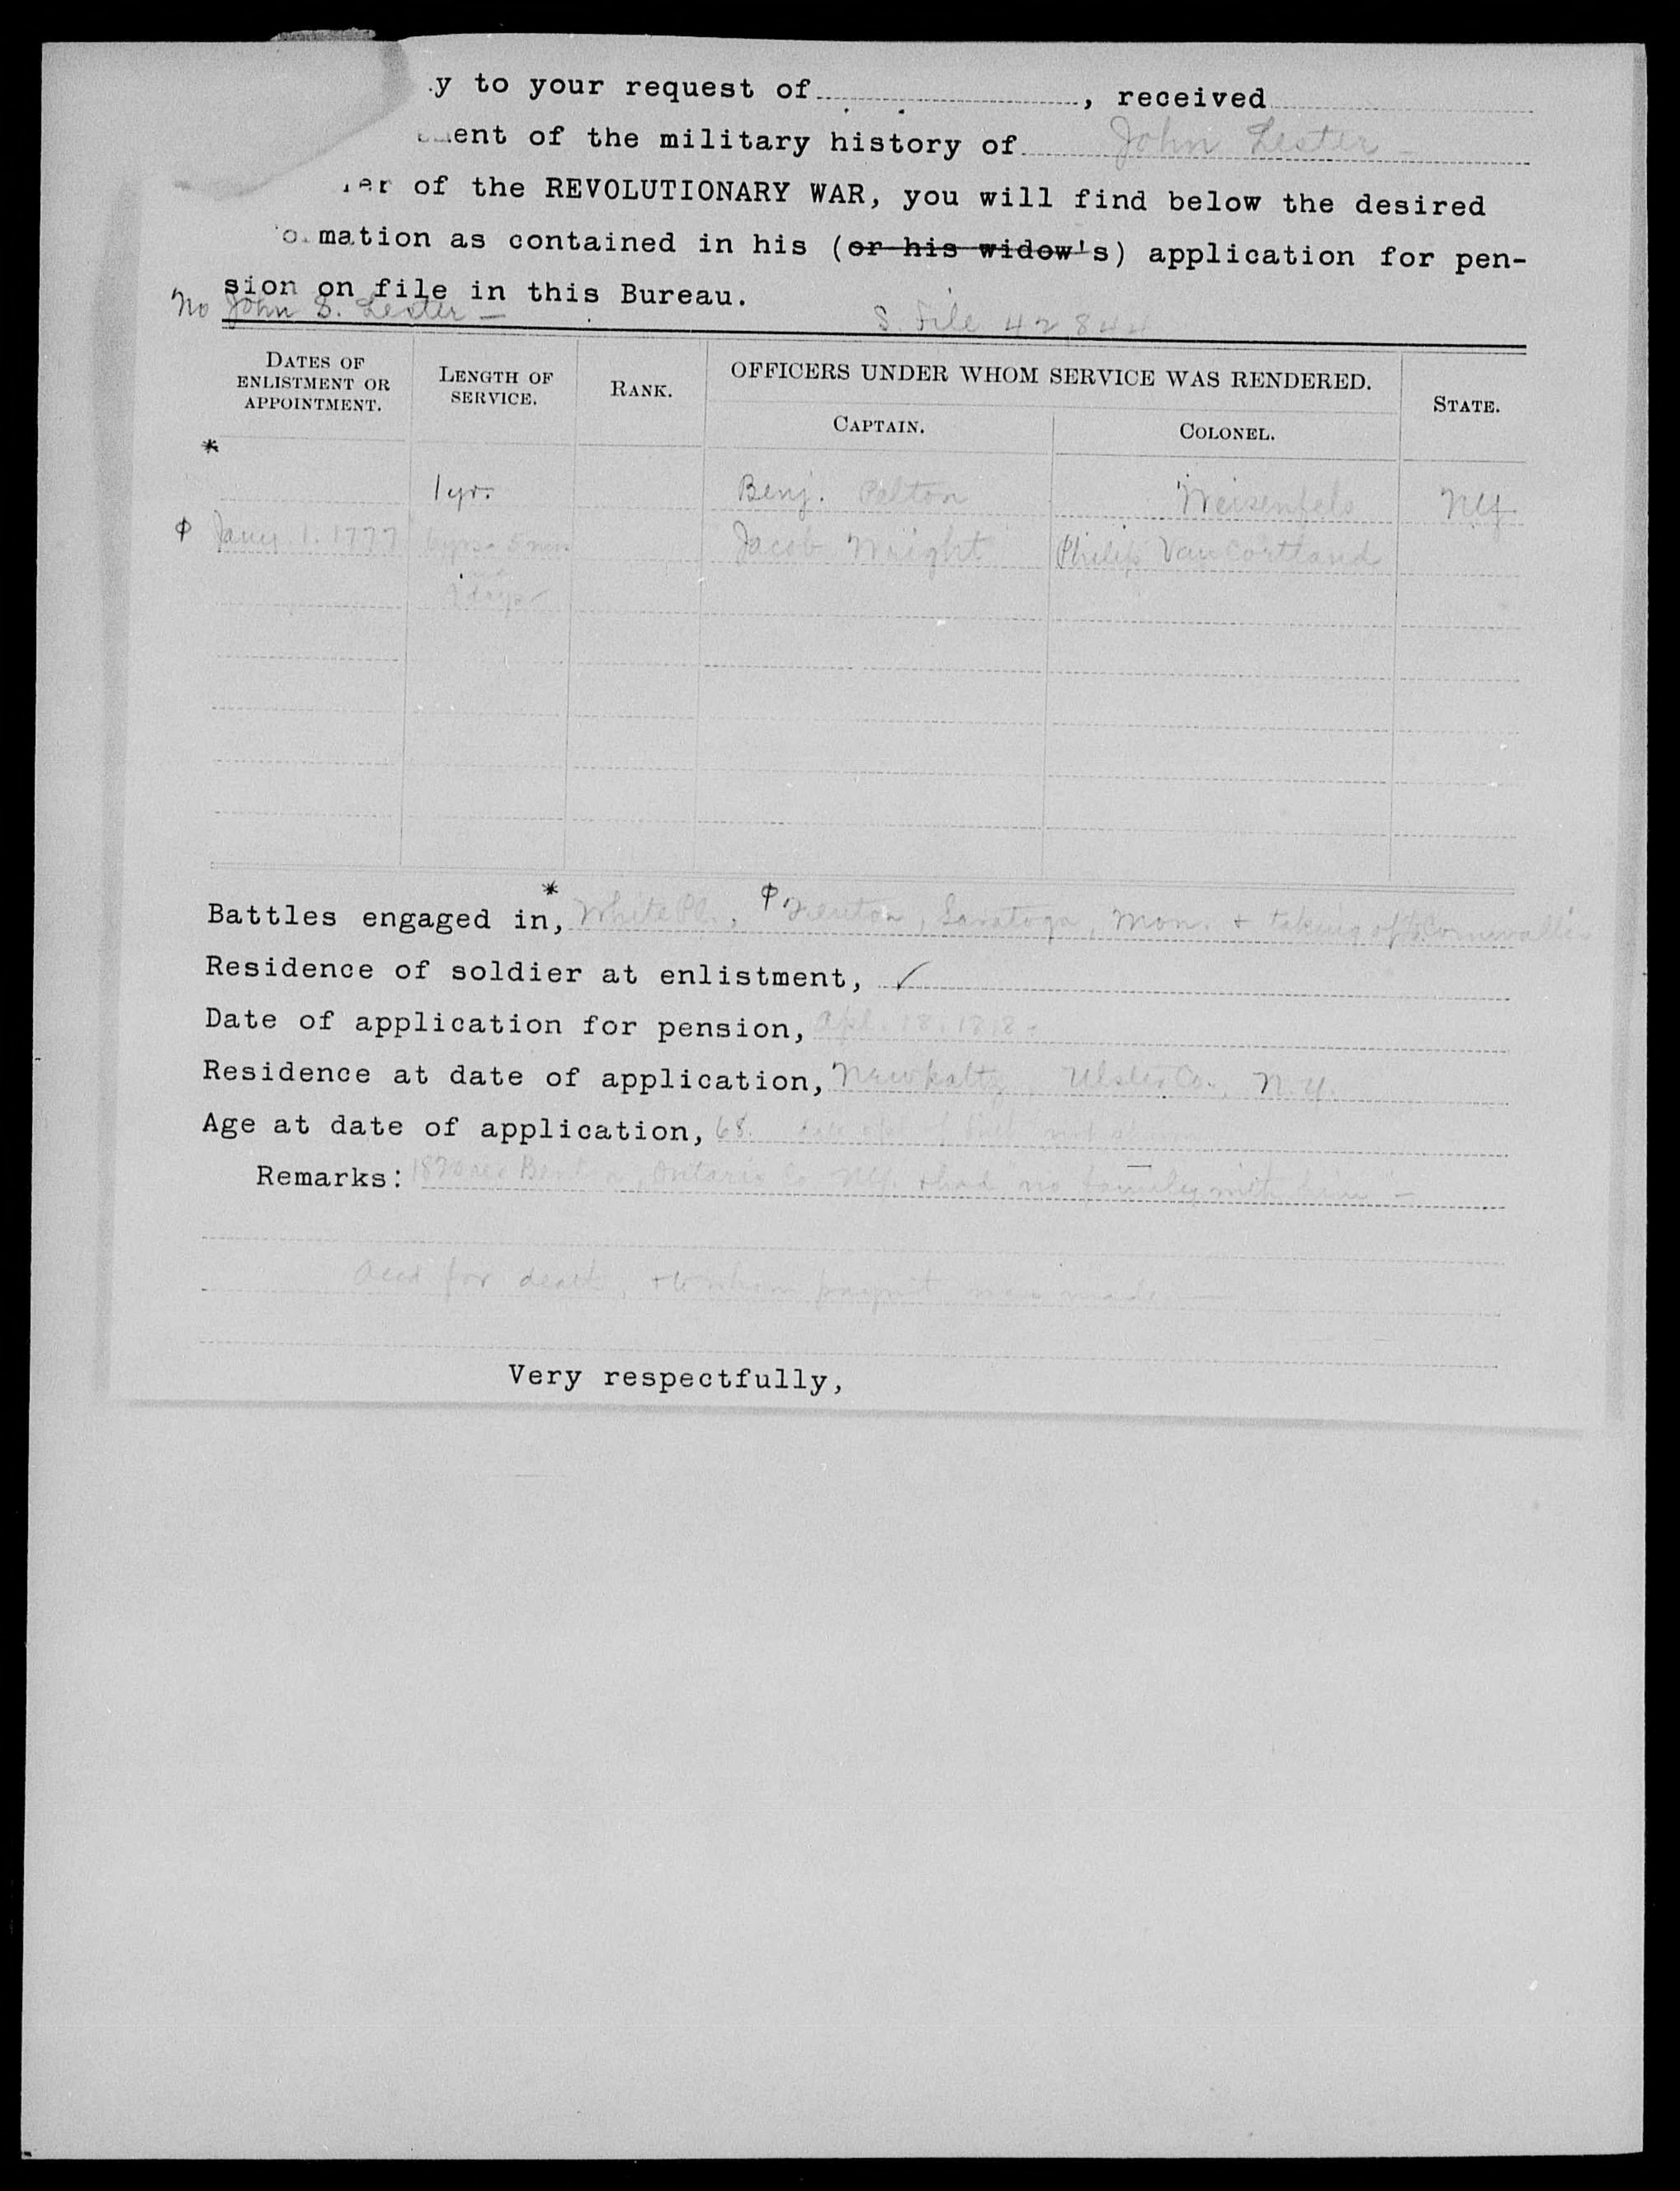[cut off word]y to your request of ___, received ___ [cut off word]ment of the military history of John Lester [cut off word] of the REVOLUTIONARY WAR, you will find below the desired information as contained in his application for penson on file in this Bureau. 
John S. Lester S. File 42,844
[column headings DATES OF ENLISTMENT OR APPOINTMENT. LENGTH OF SERVICE. RANK. OFFICERS UNDER WHOM SERVICE WAS RENDERED. CAPTAIN. COLONEL. STATE.]
* | 1 yr. | Benj. Belton | Weisenfels | NY 
[symbol with a circle and line through it] Jay. 1, 1777 | [illegible] | Jacob Wright | Philip Van Cortland
Battles engaged in, * White Pla, [cymbols with a circle and line through it] Trenton, Saratoga, Mon. & taking of Cornwallis
Residence of soldier at enlistment, [check mark]
Date of application for pension, Apl. 18, 1818.
Residence at date of application, New Paltz, Ulster Co., N.Y.
Age at date of application, 68.
Remarks: 1820 [illegible] Benton, Ontario Co. NY. that no family with him.
[illegible] for death, [illegible] payment was made -
Very respectfully,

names: Benj Pelton; Philip Van Cortland; John Lester; [BLANK] Weisenfels; Jacob Wright; John S Lester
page: 10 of 14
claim: survivor's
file: S. 42844, for John Lester, New York